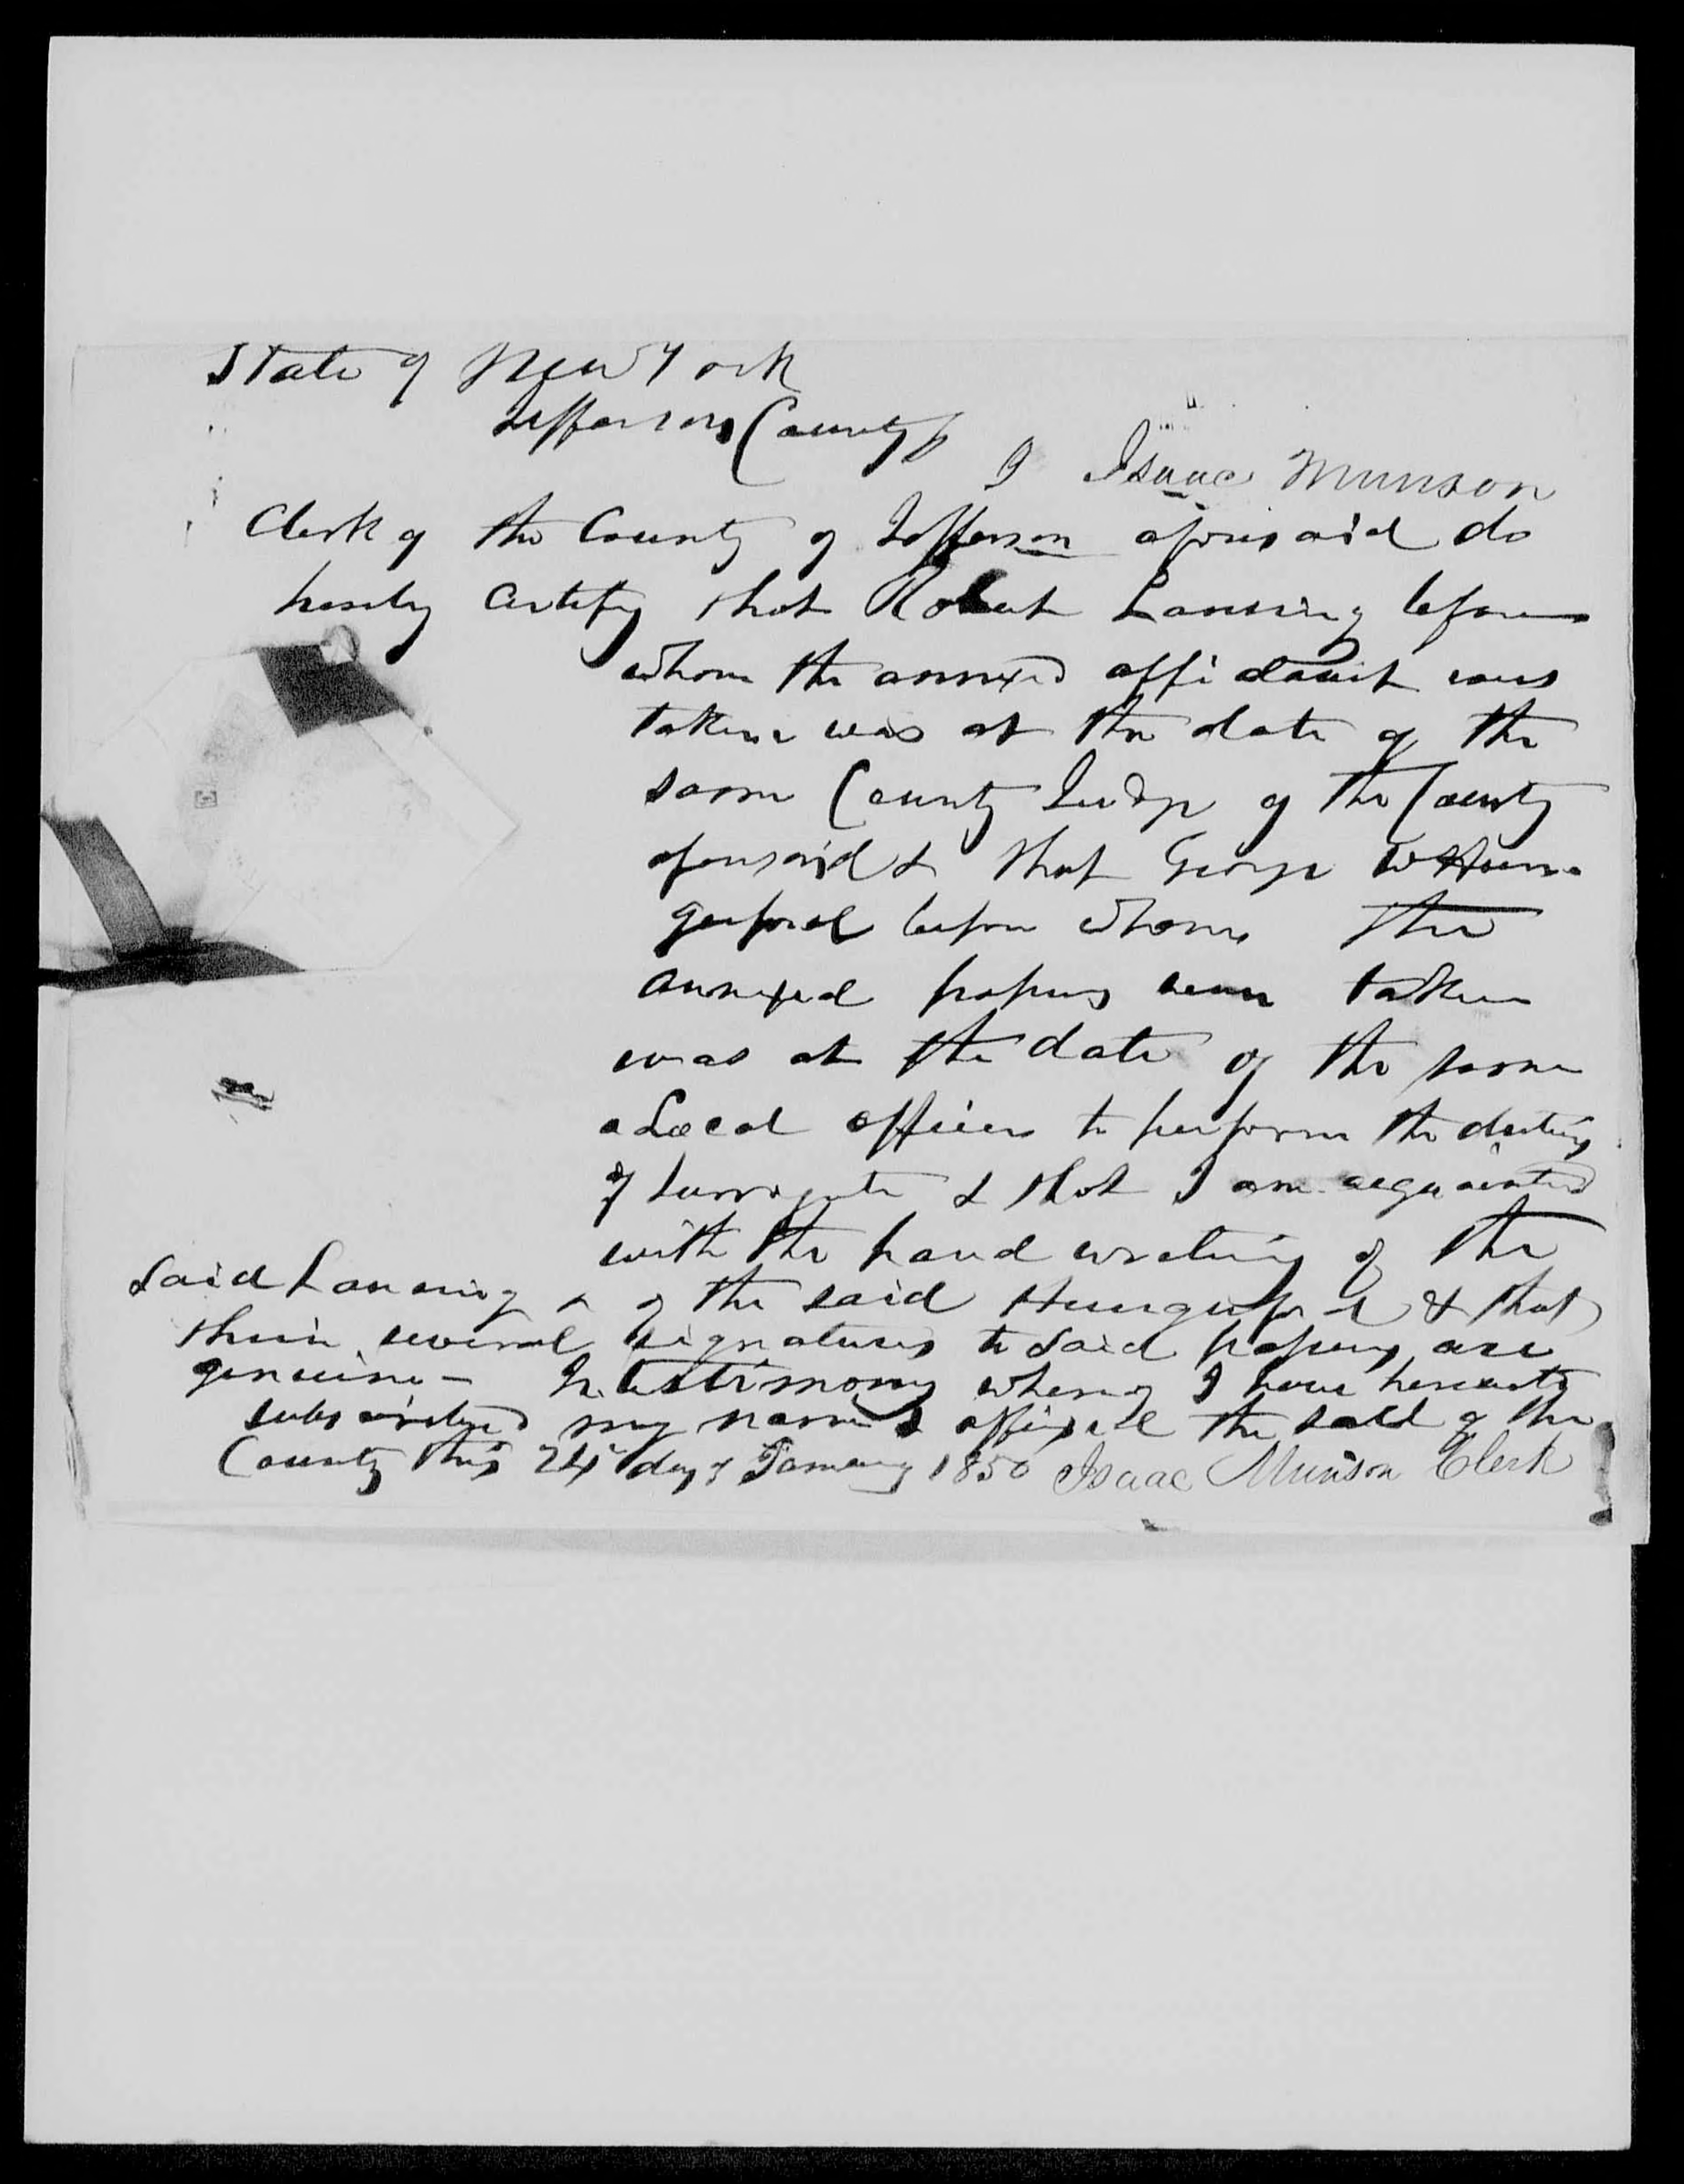State of New York
Jefferson County Ss
I Isaac Munson Clerk of the County of Jefferson aforesaid do hereby certify that Robert Lansing before whom the annexed affidavit was taken was at the date of the same County Judge of the County aforesaid & that George W Hungerford before whom the annexed papers were taken was at the date of the same a Local officer to perform the duties of Surrogate & that I am acquainted with the hand writing of the said Lansing & of the said Hungerford & that their several signatures to said papers are genuine - In testimony whereof I have herwewith subscribed my name & affixed the seal of this County this 24th day of January 1850  Isaac Munson Clerk
(seal affixed)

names: Isaac Munson, Isaac Munson, Robert Lansing, George W Hungerford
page: 26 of 26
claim: rejected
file: R. 2001, Jonathan Clark, Conn.